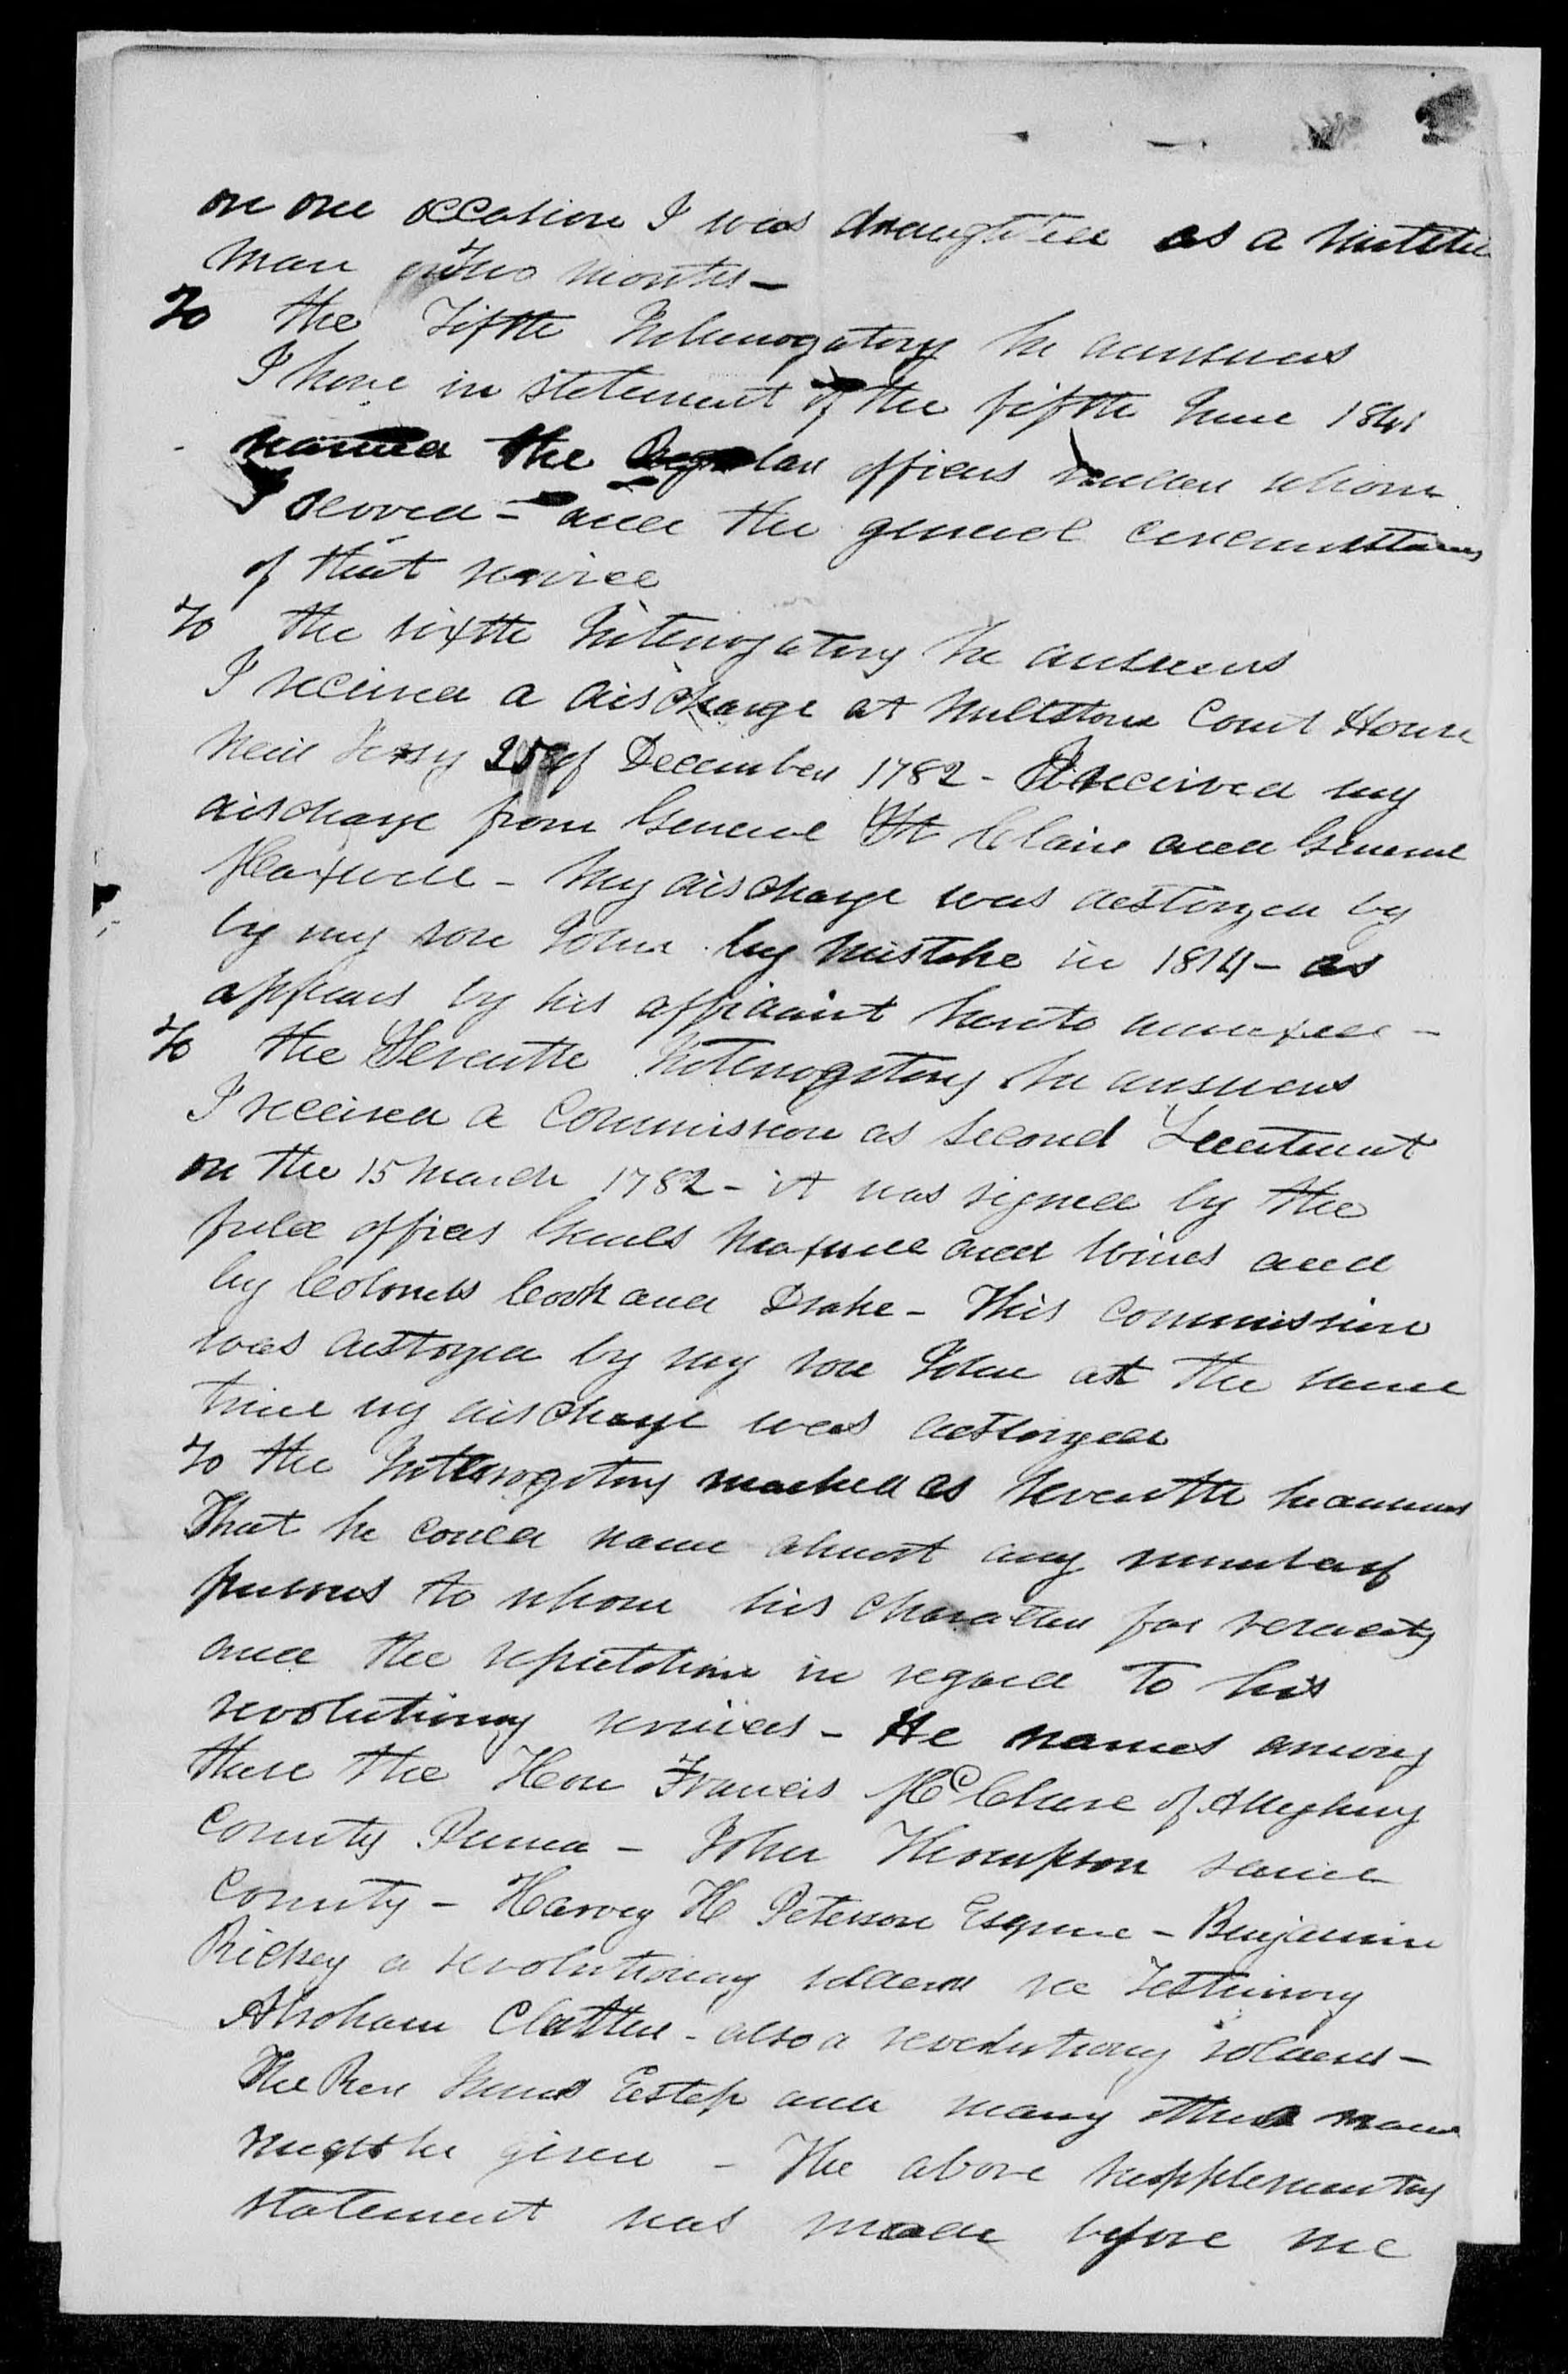On one occasion I was drafted as a militiaman two months. 
To the Fifth interrogatory he answers
I have in statement of the 5th June 1841 recalled the regular officers under whom I served.  All the general circumstances of that service.
To the Sixth interrogatory he answers
I received a discharge at Millstone Court House New Jersey 25 of December 1782.  I received my discharge from General St. Clair and General Maxwell.  My discharge was destroyed by my son John by mistake in 1814 as appears by his affidavit hereto annexed.
To the Seventh interrogatory he answers
I received a commission as Second Lieutenant on the 15th March 1782.  It was signed by the Field officers General Maxwell and Wines and was destroyed by my son John at the same time my discharge was destroyed. 
To the Interrogatory marked as seventh he answers that he could name almost any number of persons to whom his character of veracity and the reputations in regard to his revolutionary services.  He named many here.   The Hon. Francis Mc Clure of Allegheny County Penns.  John Thompson said county.  Harvey H. Peterson Esquire, Benjamin Rickey a revolutionary soldier.  see testimony.  Abraham Clutter - also revolutionary solider.  the Rev James Estep and many other names might be given.  The above supplementary statement was made before me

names: Claire, Maxwell, John, James Estep, Cook, Abraham Clutter, Maxwell, Harvey H Peterson, John, Benjamin Rickey, John Thompson, Francis Mc Clure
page: 29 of 35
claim: rejected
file: R. 2066, William Clutter, New Jersey